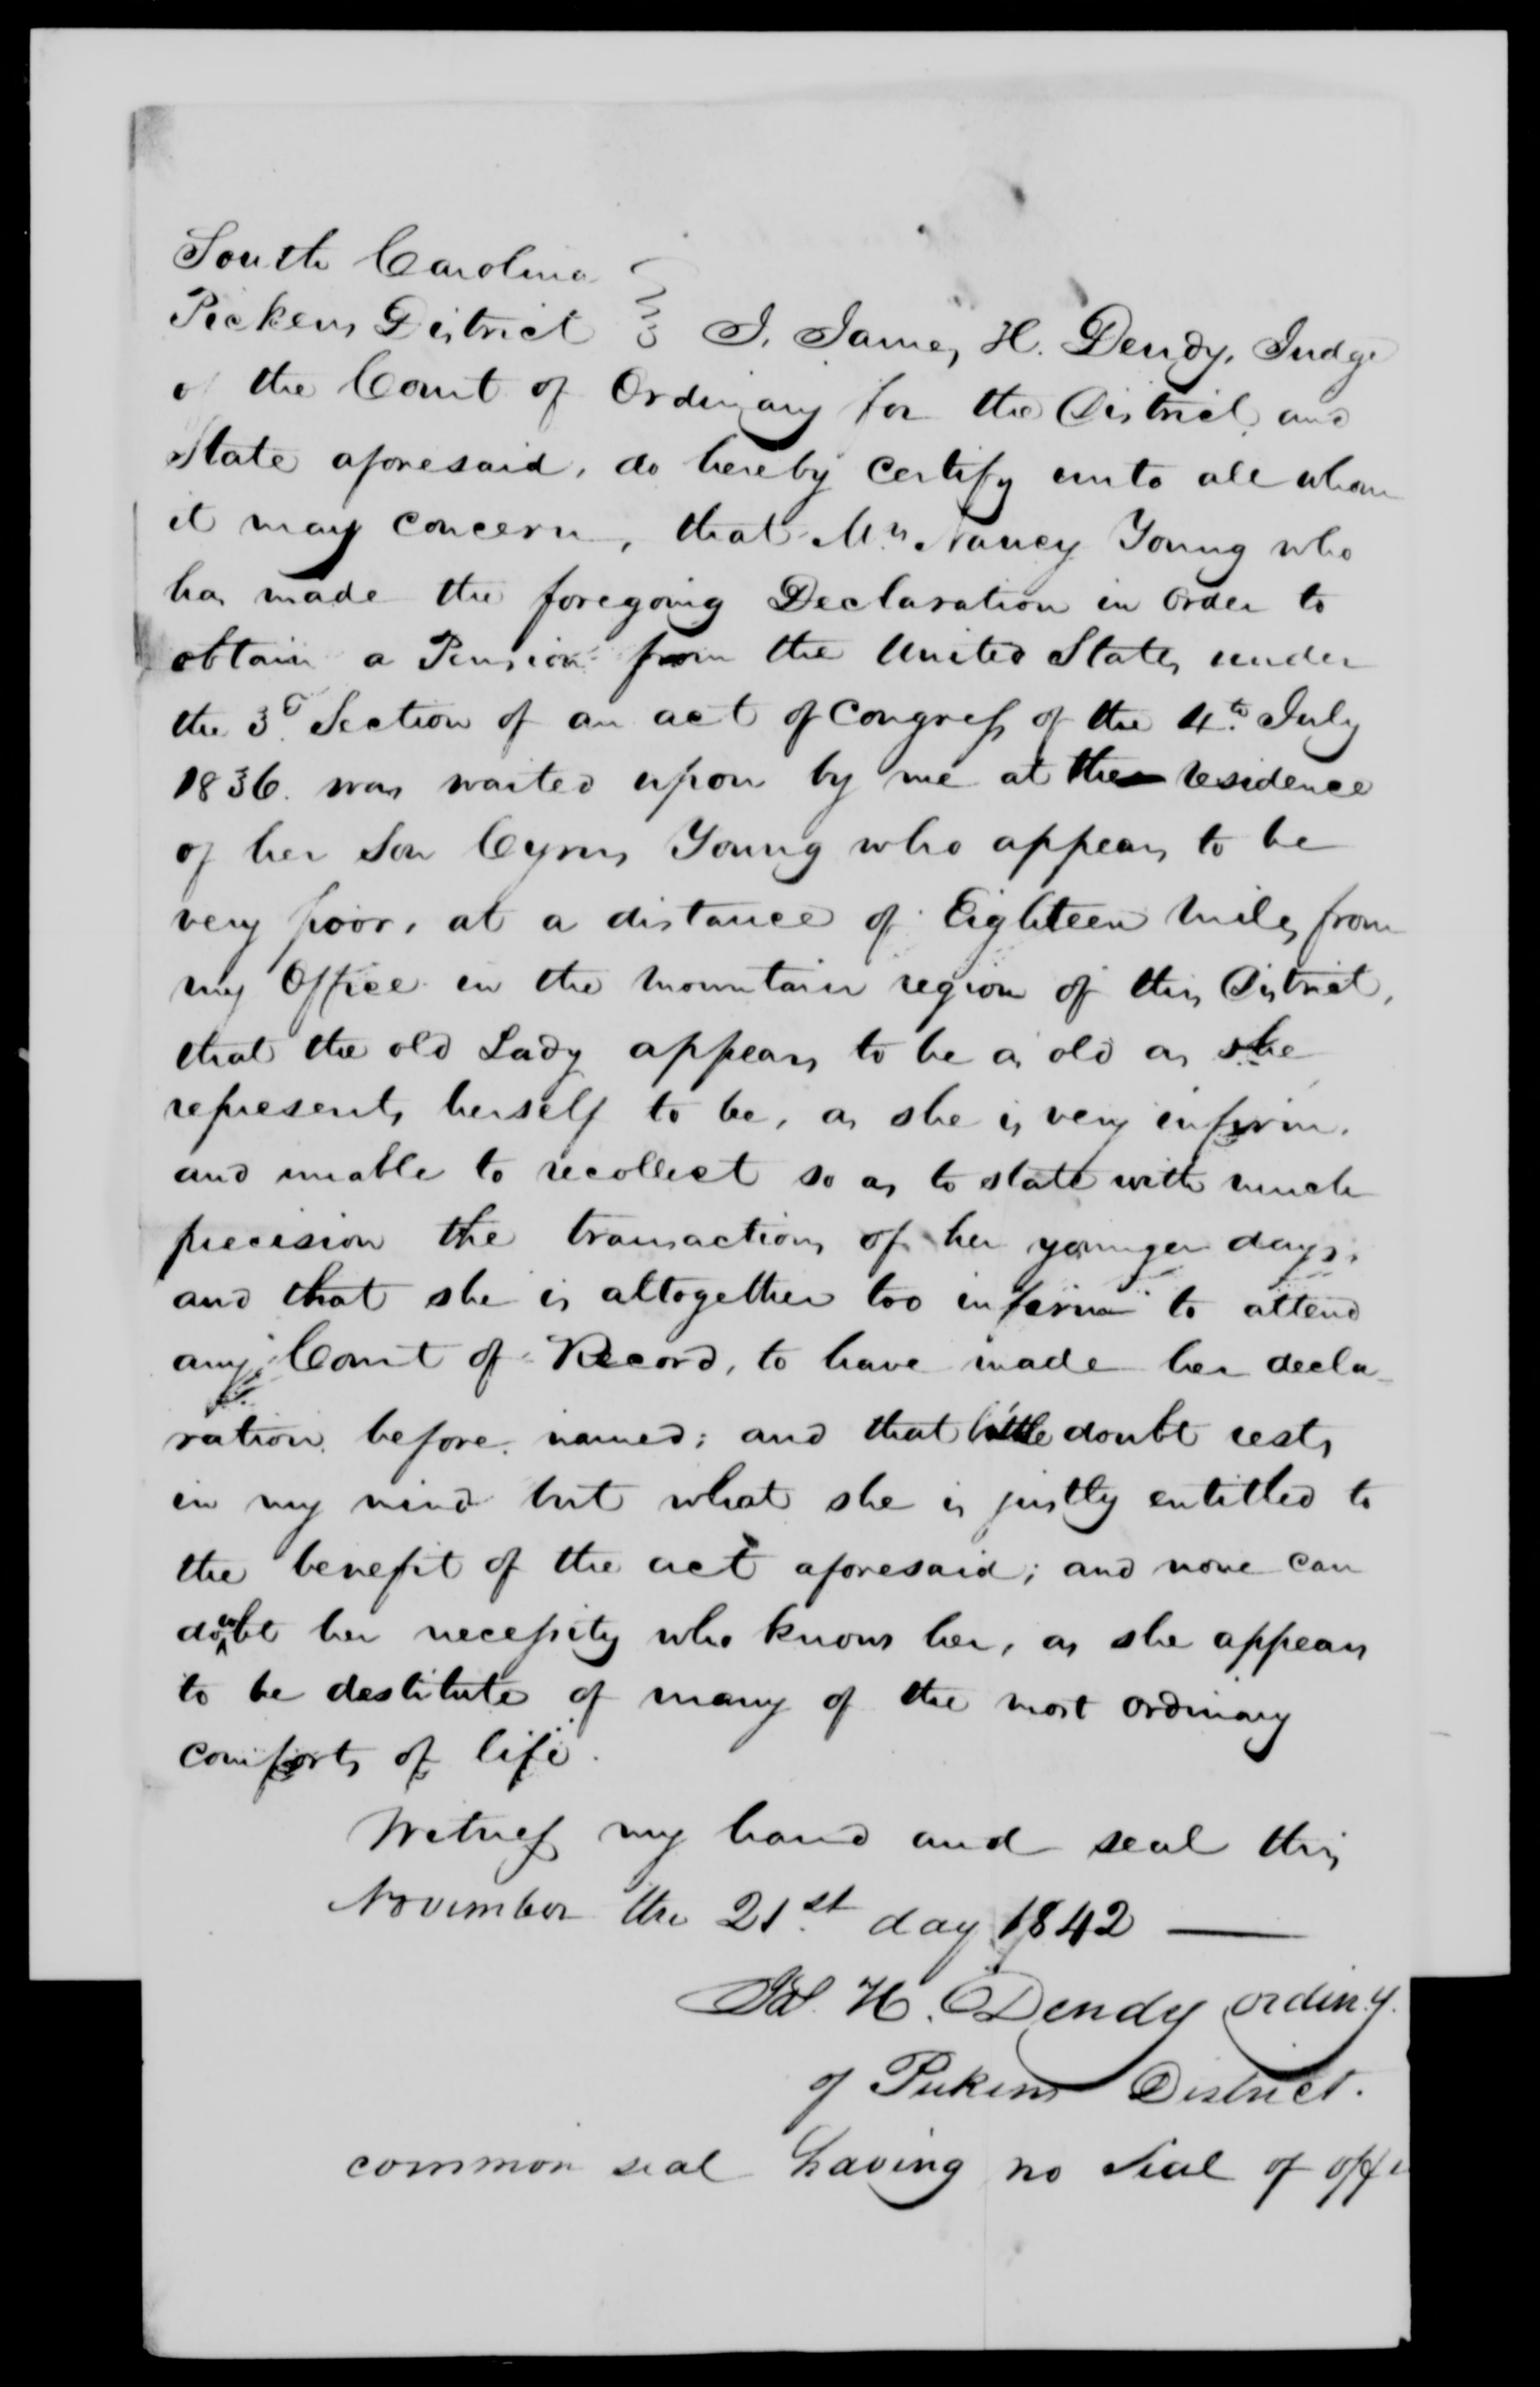South Carolina {
Pickens District {  I, James H. Dendy, Judge
of the Court of Ordinary for the District and
State aforesaid, do hereby certify unto all whom
it may concern, that Mrs. Nancy Young who
has made the foregoing Declaration in order to
obtain a Pension from the United States under
the 3rd Section of an act of Congress of the 4th July
1836 was waited upon by me at the residence
of her Son Cyrus Young who appears to be
very poor, at a distance of Eighteen miles from
my Office in the mountain region of this District,
that the old Lady appears to be as old as she
represents herself to be, as she is very infirm,
and unable to recollect so as to state with much
precision the transactions of her younger days,
and that she is altogether to infirm to attend
any Court of Record, to have made her decla
ration before named; and that little doubt rests
in my mind but what she is justly entitled to
the benefit of the act aforesaid; and none can
doubt her necessity who knows her, as she appears
to be destitute of many of the most ordinary
comforts of life.
Witness my hand and seal this
November the 21st day 1842
Jas [James] H. Dendy ordiny [ordinary]
of Pickens District
common seal having no seal of offi (sic office)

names: Nancy Young, James H Dendy, Cyrus Young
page: 18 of 56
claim: widow's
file: W. 9040, Levi Young, Ga. New Jersey S.C.